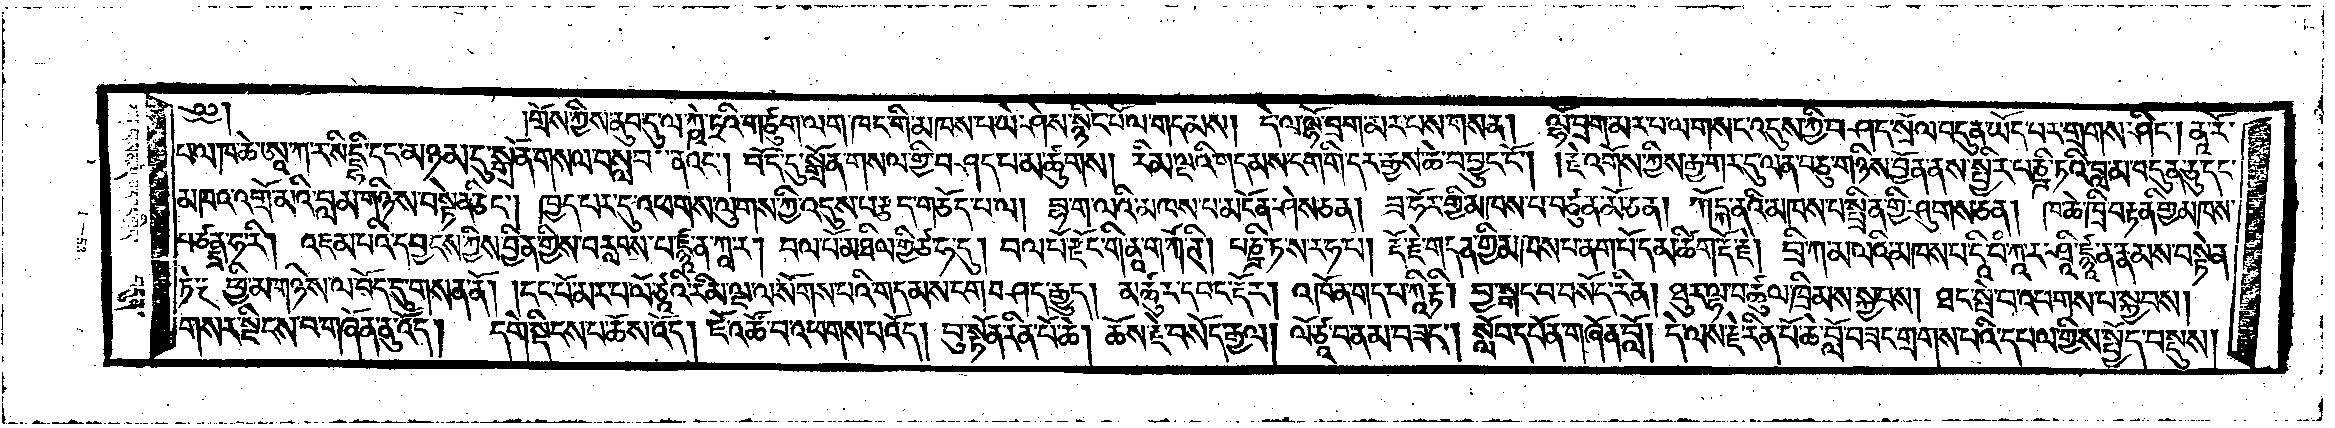༄༅། །གྲོས་ཀྱིས་ནུབ་དུ་ལ་ཀྵེ་ཏྲའི་གཙུག་ལག་ཁང་གི་མཁས་པ་ཡེ་ཤེས་སྙིང་པོ་ལ་གདམས། དེ་ལ་ལྷོ་བྲག་མར་པས་གསན། ལྷོ་བྲག་མར་པ་ལ་གསང་འདུས་ཀྱི་བཤད་སྲོལ་བདུན་ཡོད་པར་གྲངས་ཤིང་། ནཱ་རོ་
པ་ལ་ཁ་ཆེ་ཨཱ་ཀ་ར་སིདྡྷི་དང་མཉམ་དུ་སྒྲོན་གསལ་བསླབ་ནའང་། བོད་དུ་སྒྲོན་གསལ་གྱི་བཤད་པ་མ་ཚུགས། རིམ་ལྔའི་གདམས་ངག་གི་དར་རྒྱས་ཆེ་བ་བྱུང་ངོ། །རྗེ་འགོས་ཀྱིས་རྒྱ་གར་དུ་ལན་བཅུ་གཉིས་བྱོན་ནས་སྤྱིར་པཎྜི་ཏའི་བླ་མ་བདུན་ཅུ་དང་
མཁའ་འགྲོ་མའི་བླ་མ་གཉིས་བསྟེན་ཅིང་། ཁྱད་པར་དུ་འཕགས་ལུགས་ཀྱི་འདུས་པ་རྩད་གཅོད་པ་ལ། བྷ་ག་ལའི་མཁས་པ་མངོན་ཤེས་ཅན། ཟ་ཧོར་གྱི་མཁས་པ་བཙུན་མོ་ཅན། ཀོདཀ་ནའི་མཁས་པ་སྤྲིན་གྱི་ཤུགས་ཅན། ཁ་ཆེ་ཁྲི་བརྟན་གྱི་མཁས་
པ་ཙྣྡྲ་ཧ་རི། འཇམ་པའི་དབྱངས་ཀྱིས་བྱིན་གྱིས་བརླབས་པ་ཛྙཱ་ན་ཀཱ་ར། བལ་པོ་མཐིལ་གྱི་ཙ་ཧ་དུ། བལ་པོ་རྫོང་གི་ནཱ་ག་ཀོ་ཏི། པནྜི་ར་ས་ར་ཧ་པ། རྡོ་རྗེ་གདན་གྱི་མཁས་པ་ནག་པོ་དམ་ཚིག་རྡོ་རྗེ། བྲི་ཀ་མ་ལའི་མཁས་པ་འདི་མི་ཀཱ་ར་ཤྲཱི་ཛྙཱ་ན་རྣམས་བསྟེན་
ཏེ༑ ཕྱི་མ་གཉིས་ལ་བོད་དུ་གསན་ནོ། །དང་པོ་མར་པ་ལོ་ཙཱའི་རིམ་ལྔ་ལ་སོགས་པའི་གདམས་ངག་བཤད་རྒྱུད། མཚུར་དབང་རྡོར། འཁོ་ན་གད་པ་ཀཱི་རྟི། བྱ་སྒང་བ་བསོད་རིན། ཐུར་ལྷ་བ་ཚུལ་ཁྲིམས་སྐྱབས། ཐང་སྤེ་པ་འཕགས་པ་སྐྱབས།
གསར་སྡིངས་བ་གཞོན་ནུ་འོད། དགེ་སྡིངས་པ་ཆོས་འོད། ཇོ་འཚོ་བ་འཕགས་པའོད། བུ་སྟོན་རིན་པོ་ཆེ། ཆོས་རྗེ་བསོད་རྒྱལ། ལོ་ཙཱ་བ་ནམ་བཟང་། སློབ་དཔོན་གཞོན་བློ། དེ་ལས་རྗེ་རིན་པོ་ཆེ་བློ་བཟང་གྲགས་པའི་དཔལ་གྱིས་སྤྱོད་བསྡུས།